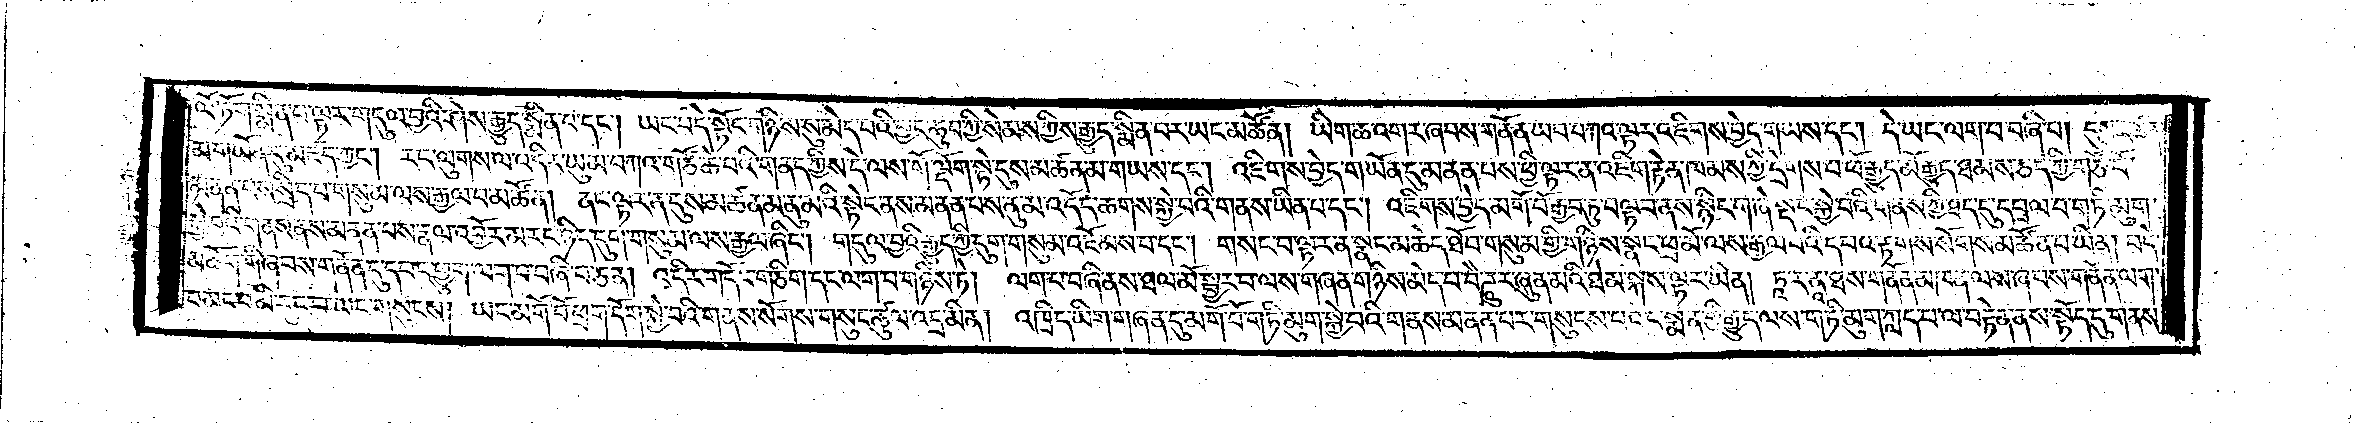ལོ་ཏོག་སྨིན་པ་ལྟར་གདུལ་བྱའི་ཤེས་རྒྱུད་སྨིན་པ་དང་། ཡང་བདེ་སྟོང་གཉིས་སུ་མེད་པའི་བྱང་ཆུབ་ཀྱི་སེམས་ཀྱིས་རྒྱུད་སྨིན་པར་ཡང་མཚོན། ཡིག་ཆ་འགར་ཞབས་གནོན་ཡབ་བཀའ་ལྟར་འཇིགས་བྱེད་གཡས་དང་། དེ་ཡང་ལག་པ་བཞི་པ། དུས་མཚན་
མ་གཡོན་དུ་མཛད་ཀྱང་། རང་ལུགས་ལ་འདིར་ཡུམ་བཀའ་གཙོ་ཆེ་བའི་གནད་ཀྱིས་དེ་ལས་གོ་ལྡོག་སྟེ་དུས་མཚན་མ་གཡས་དང་། འཇིགས་བྱེད་གཡོན་དུ་མནན་པས་ཕྱི་ལྟར་ན་འཇིག་རྟེན་ཁམས་ཀྱི་དྲེགས་པ་ཕོ་རྒྱུད་མོ་རྒྱུད་ཐམས་ཅད་ཀྱི་གཙོ་བོ་
མནན་པས་སྲིད་པ་གསུམ་ལས་རྒྱལ་བ་མཚོན། ནང་ལྟར་ན་དུས་མཚན་མ་ནུ་མའི་སྟེང་ནས་མནན་པས་ནུ་མ་འདོད་ཆགས་སྐྱེ་བའི་གནས་ཡིན་པ་དང་། འཇིགས་བྱེད་མགོ་བོ་རྒྱབ་ཏུ་བལྟབ་ནས་སྙིང་ག་ཞེ་སྡང་སྐྱེ་བའི་གནས་ཀྱི་ཐད་དུ་དྥྲལ་བ་གཏི་མུག་
སྐྱེ་བའི་གནས་ནས་མནན་པས་རྣལ་འབྱོར་མ་རང་ཉིད་དུག་གསུམ་ལས་རྒྱལ་ཞིང་། གདུལ་བྱའི་རྒྱུད་ཀྱི་དུག་གསུམ་འཇོམས་པ་དང་། གསང་བ་ལྟར་ན་སྣང་མཆེད་ཐོབ་གསུམ་གྱི་གཉིས་སྣང་ཕྲ་མོ་ལས་རྒྱལ་བའི་དཔའ་རྟགས་སོགས་མཚོན་པ་ཡིན། བདེ་
མཆོག་གི་ཞབས་གནོད་དུ་དབང་ཕྱུག་ལག་པ་བཞི་པ་ཅན། འདིར་གདོང་གཅིག་དང་ལག་པ་གཉིས་ཏེ། ལག་པ་བཞི་ནས་ཐལ་མོ་སྦྱར་བ་ལས་གཞན་གཉིས་མེད་པ་བཻ་ཌཱུར་ཞུན་མའི་ཐེམ་སྐས་ལྟར་ཡིན། ཏཱ་ར་ནཱ་ཐས་གནོན་མཁན་ལས་ཞབས་གནོན་ལག་
པ་མང་བ་མི་རུང་བ་ཡང་གསུངས། ཡང་མགོ་བོ་ཕྲག་དོག་སྐྱེ་བའི་གནས་སོགས་གསུང་ཚུལ་འདྲ་མིན། འཁྲིད་ཡིག་གཞན་དུ་མགོ་བོ་གཏི་མུག་སྐྱེ་བའི་གནས་མནན་པར་གསུངས་པའང་སྨན་གྱི་རྒྱུད་ལས་གཏི་མུག་ཀླད་པ་ལ་བརྟེན་ནས་སྟོད་དུ་གནས་